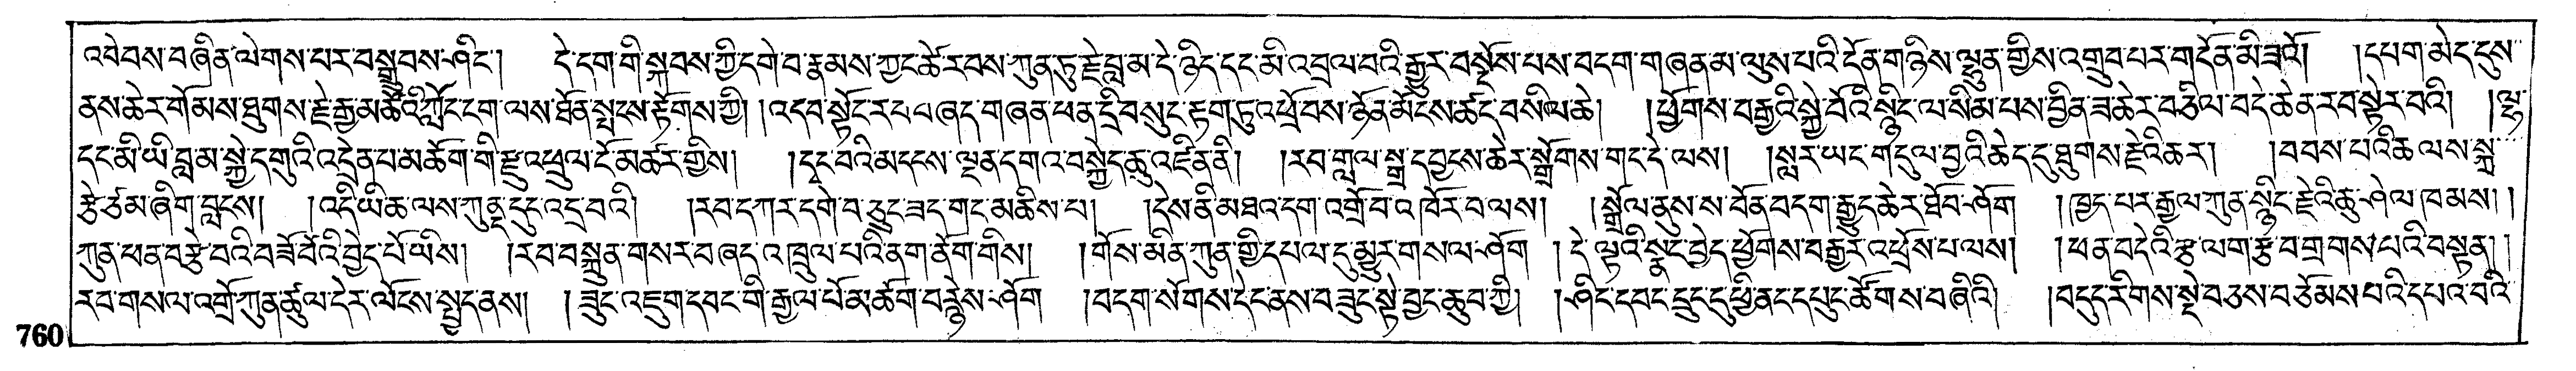འབེབས་བཞིན་ལེགས་པར་བསྒྲུབས་ཤིང་། དེ་དག་གི་སྐབས་ཀྱི་དགེ་བ་རྣམས་ཀྱང་ཚེ་རབས་ཀུན་ཏུ་རྗེ་བླ་མ་དེ་ཉིད་དང་མི་འབྲལ་བའི་རྒྱུར་བསྡོས་པས་བདག་གཞན་མ་ལུས་པའི་དོན་གཉིས་ལྷུན་གྱིས་འགྲུབ་པར་གདོན་མི་ཟའོ། །དཔག་མེད་དུས་
ནས་ཆེར་གོམས་ཐུགས་རྗེ་རྒྱ་མཚོའི་ཀློང་དག་ལས་ཐོན་སྤངས་རྟོགས་ཀྱི། །འདབ་སྟོང་རབ་བཞད་གཞན་ཕན་དྲི་བསུང་རྟག་ཏུ་འཕྲོ་བས་ཉོན་མོངས་ཚད་བསིལ་ཆེ། །ཕྱོགས་བརྒྱའི་སྐྱེ་བོའི་སྙིང་ལ་སིམ་པས་བྱིན་ཟ་ཆེར་བཅིལ་བདེ་ཆེན་རབ་སྟེར་པའི། །ལྷ་
དང་མི་ཡི་བླ་མ་སྐྱེ་དགུའི་འདྲེན་པ་མཆོག་གི་རྫུ་འཕྲུལ་ངོ་མཚར་གྱིས། །དྭང་བའི་མདངས་ལྡན་དགའ་བསྐྱེད་ཆུ་འཛིན་ནི། །རབ་གླལ་སྒྲ་དབྱངས་ཆེར་སྒྲོགས་གང་དེ་ལས། །སླར་ཡང་གདུལ་བྱའི་ཆེད་དུ་ཐུགས་རྗེའི་ཆར། །བབས་པའི་ཆི་ལས་སྐྲ་
རྩེ་ཙམ་ཞིག་བླངས། །འདི་ཡི་ཆ་ལས་ཀུནྡ་དུང་འདྲ་པའི། །རབ་དཀར་དགེ་བཅུང་ཟང་གང་མཆིས་པ། །དེས་ནི་མཐའ་དག་འགྲོ་བ་འཁོར་བ་ལས། །སྒྲོལ་ནུས་ས་བོན་བདག་རྒྱུད་ཆེར་ཐོབ་ཤོག །ཁྱད་པར་རྒྱལ་ཀུན་སྙིང་རྗེའི་ཆུ་ཤེལ་ཁམས། །
ཀུན་ཕན་བརྩེ་བའི་བཟོ་བོའི་བྱེད་པོ་ཡིས། །རབ་བསྐྲུན་གསར་བཞད་འཁྲུལ་པའི་ནག་ནོག་གིས། །གོས་མིན་ཀུན་གྱི་དཔལ་དུ་མྱུར་གསལ་ཤོག །དེ་ལྟའི་སྣང་བྱེད་ཕྱོགས་བརྒྱར་འཕྲོས་པ་ལས། །ཕན་བདེའི་རྩ་ལག་རྩ་བ་གྲགས་པའི་བསྟན། །
རབ་གསལ་འགྲོ་ཀུན་ཚུལ་དེར་ལོངས་སྤྱད་ནས། །ཟུང་འཇུག་དབང་གི་རྒྱལ་པོ་མཆོག་བརྙེས་ཤོག །བདག་སོགས་དེང་ནས་བཟུང་སྟེ་བྱང་ཆུབ་ཀྱི། །ཤིང་དབང་དྲུང་དུ་ཕྱི་ནང་དཔུང་ཚོགས་བཞིའི། །བདུད་རིགས་སྡེ་བཅས་བཅོམས་པའི་དཔའ་པའི་